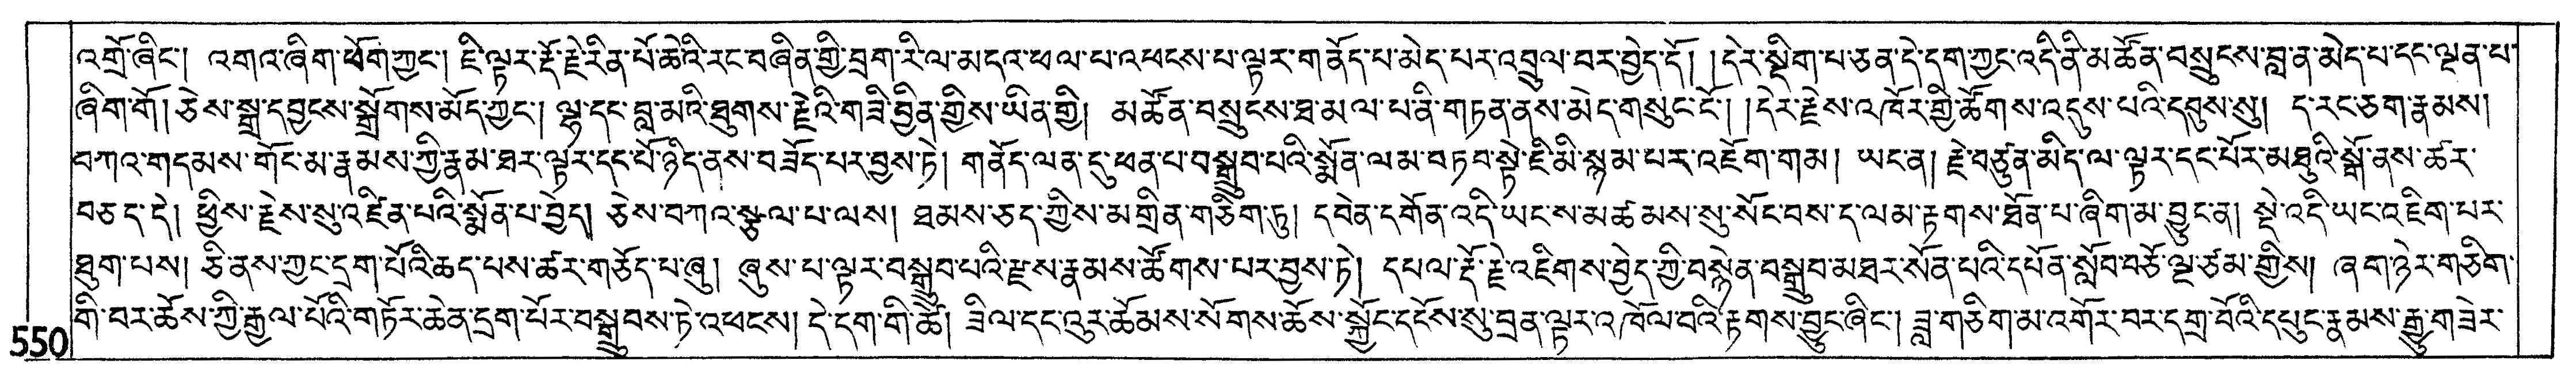འགྲོ་ཞིང་། འགའ་ཞིག་ཕོག་ཀྱང་། ཇི་ལྟར་རྡོ་རྗེ་རིན་པོ་ཆེའི་རང་བཞིན་གྱི་བྲག་རི་ལ་མདའ་ཕལ་པ་འཕངས་པ་ལྟར་གནོད་པ་མེད་པར་འབྲུལ་བར་བྱེད་དོ། །དེར་སྡིག་པ་ཅན་དེ་དག་ཀྱང་འདི་ནི་མཚོན་བསྲུངས་བླ་ན་མེད་པ་དང་ལྡན་པ་
ཞིག་གོ །ཅེས་སྒྲ་དབྱངས་སྒྲོགས་མོད་ཀྱང་། ལྷ་དང་བླ་མའི་ཐུགས་རྗེའི་གཟི་བྱིན་གྱིས་ཡིན་གྱི། མཚོན་བསྲུངས་ཐ་མལ་པ་ནི་གཏན་ནས་མེད་གསུང་ངོ། །དེར་རྗེས་འཁོར་གྱི་ཚོགས་འདུས་པའི་དབུས་སུ། ད་རང་ཅག་རྣམས།
བཀའ་གདམས་གོང་མ་རྣམས་ཀྱི་རྣམ་ཐར་ལྟར་དང་པོ་ཉིད་ནས་བཟོད་པར་བྱས་ཏེ། གནོད་ལན་དུ་ཕན་པ་བསྒྲུབ་པའི་སྨོན་ལམ་བཏབ་སྟེ་ཇི་མི་སྙམ་པར་འཇོག་གམ། ཡང་ན། རྗེ་བཙུན་མིད་ལ་ལྟར་དང་པོར་མཐུའི་སྒོ་ནས་ཚར་
བཅད་དེ། ཕྱིས་རྗེས་སུ་འཛིན་པའི་སྨོན་པ་བྱེད། ཅེས་བཀའ་སྩལ་པ་ལས། ཐམས་ཅད་ཀྱིས་མགྲིན་གཅིག་ཏུ། དབེན་དགོན་འདི་ཡང་ས་མཚམས་སུ་སོང་བས་ད་ལམ་རྟགས་ཐོན་པ་ཞིག་མ་བྱུང་ན། སྡེ་འདི་ཡང་འཇིག་པར་
ཐུག་པས། ཅི་ནས་ཀྱང་དྲག་པོའི་ཆད་པས་ཚར་གཅོད་པ་ཞུ། ཞུས་པ་ལྟར་བསྒྲུབ་པའི་རྫས་རྣམས་ཚོགས་པར་བྱས་ཏེ། དཔལ་རྡོ་རྗེ་འཇིགས་བྱེད་ཀྱི་བསྙེན་བསྒྲུབ་མཐར་སོན་པའི་དཔོན་སློབ་བཅོ་ལྔ་ཙམ་གྱིས། ཞག་ཉེར་གཅིག་
གི་བར་ཆོས་ཀྱི་རྒྱལ་པོའི་གཏོར་ཆེན་དྲག་པོར་བསྒྲུབས་ཏེ་འཕངས། དེ་དག་གི་ཚེ། ཟིལ་དང་འུར་ཆོམས་སོགས་ཆོས་སྐྱོང་དངོས་སུ་བྲན་ལྟར་འཁོལ་བའི་རྟགས་བྱུང་ཞིང་། ཟླ་གཅིག་མ་གྰྒོར་བར་དགྲ་བོའི་དཔུང་རྣམས་རྒྱུ་གཟེར་